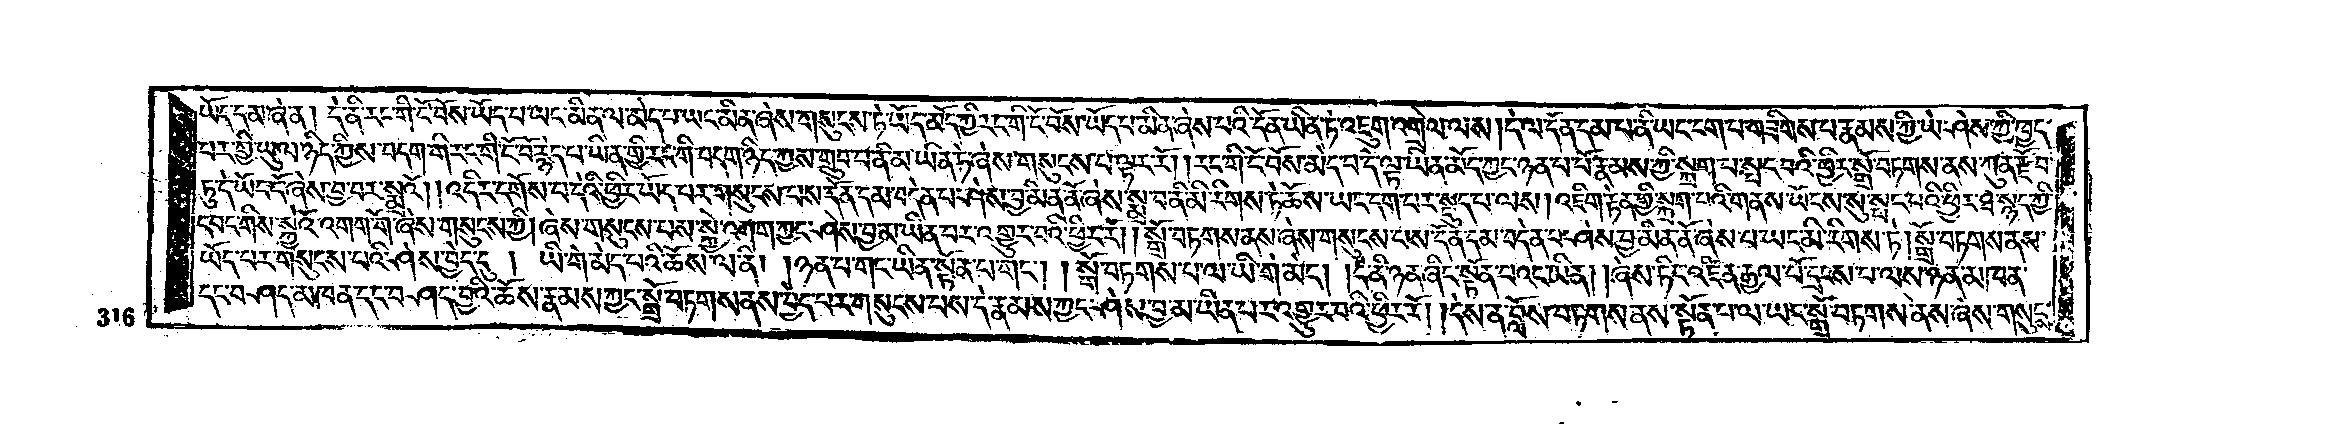ཡོད་དམ་ཞེ་ན། དེ་ནི་རང་གི་ངོ་བོས་ཡོད་པ་ཡང་མིན་ལ་མེད་པ་ཡང་མིན་ཞེས་གསུངས་ཏེ་ཡོད་མེད་ཀྱི་རང་གི་ངོ་བོས་ཡོད་པ་མིན་ཞེས་པའི་དོན་ཡིན་ཏེ་འཇུག་འགྲེལ་ལས། དེ་ལ་དོན་དམ་པ་ནི་ཡང་དག་པ་གཟིགས་པ་རྣམས་ཀྱི་ཡེ་ཤེས་ཀྱི་ཁྱད་
པར་གྱི་ཡུལ་ཉིད་ཀྱིས་བདག་གི་རང་གི་ངོ་བོ་རྙེད་པ་ཡིན་གྱི་རང་གི་བདག་ཉིད་ཀྱིས་གྲུབ་པ་ནི་མ་ཡིན་ཏེ་ཞེས་གསུངས་པ་ལྟར་རོ། །རང་གི་ངོ་བོས་མེད་པ་དེ་ལྟ་ཡིན་མོད་ཀྱང་ཉན་པ་པོ་རྣམས་ཀྱི་སྐྲག་པ་སྤང་བའི་ཕྱིར་སྒྲོ་བཏགས་ནས་ཀུན་རྫོབ་
ཏུ་དེ་ཡོད་དོ་ཞེས་བྱ་བར་སྨྲའོ། །འདིར་དགོས་པ་དེའི་ཕྱིར་ཡོད་པར་གསུངས་པས་དོན་དམ་བདེན་པར་ཤེས་བྱ་མིན་ནོ་ཞེས་སྨྲ་བ་ནི་མི་རིགས་ཏེ་ཆོས་ཡང་དག་པར་སྡུད་པ་ལས། འཇིག་རྟེན་གྱི་སྐྲག་པའི་གནས་ཡོངས་སུ་སྤང་བའི་ཕྱིར་ཐ་སྙད་ཀྱི་
དབང་གིས་སྐྱེའོ་འགག་གོ་ཞེས་གསུངས་ཀྱི། ཞེས་གསུངས་པས་སྐྱེ་འགག་ཀྱང་ཤེས་བྱ་མ་ཡིན་པར་འགྱུར་བའི་ཕྱིར་རོ། །སྒྲོ་བཏགས་ནས་ཞེས་གསུངས་པས་དོན་དམ་བདེན་པ་ཤེས་བྱ་མིན་ནོ་ཞེས་པ་ཡང་མི་རིགས་ཏེ། སྒྲོ་བཏགས་ནས་
ཡོད་པར་གསུངས་པའི་ཤེས་བྱེད་དུ༑ ཡི་གེ་མེད་པའི་ཆོས་ལ་ནི། །ཉན་པ་གང་ཡིན་སྟོན་པ་གང་། །སྒྲོ་བཏགས་པ་ལ་ཡི་གེ་མེད། །དེ་ནི་ཉན་ཞིང་སྟོན་པའང་ཡིན། །ཞེས་ཏིང་འཛིན་རྒྱལ་པོ་དྲངས་པ་ལས་ཉན་མཁན་
དང་བཤད་མཁན་དང་བཤད་བྱའི་ཆོས་རྣམས་ཀྱང་སྒྲོ་བཏགས་ནས་བྱེད་པར་གསུངས་པས་དེ་རྣམས་ཀྱང་ཤེས་བྱ་མ་ཡིན་པར་འགྱུར་བའི་ཕྱིར་རོ། །དེས་ན་བློས་བཏགས་ནས་སྟོན་པ་ལ་ཡང་སྒྲོ་བཏགས་ནས་ཞེས་གསུངས་